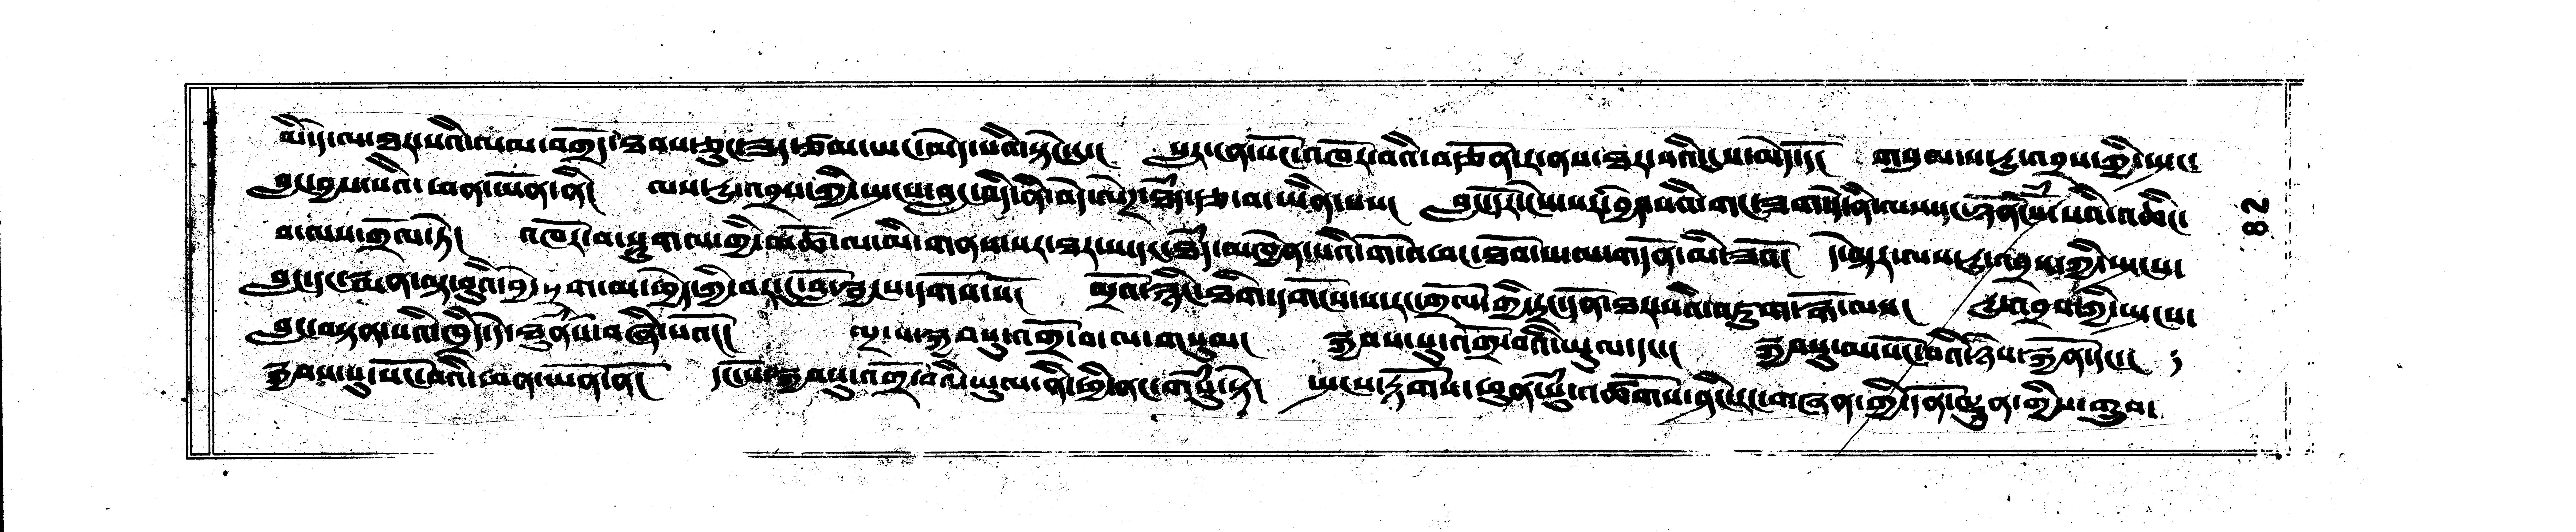མི་དེ་ལ་ཐར་པའི་ལམ་བགྲོད་ཐབས་ཅུང་ཟད་ཙམ་ཡང་མེད་པའི་སྟེང་དུ་། སླར་ངན་སོང་འཁོར་བའི་བཙོན་རྭ་ནས་ཐར་པའི་དུས་མེད་དོ། །གསུམ་པ་རྒྱུ་འབྲས་ཀྱི་སྤང་
བླང་བྱས་པའི་ཕན་ཡོན་ནི། ལས་རྒྱུ་འབྲས་ཀྱི་སྤང་བླང་འདི་ནི། བདེ་ལེགས་ཐམས་ཅད་ཀྱི་རྩ་བ་ཡིན་པས། བླང་དོར་ངེས་པར་བྱེད་པའི་གང་ཟག་དེ་ནི་ལས་དང་ཉོན་མོངས་པའི་འཆིང་
བ་ལས་གྲོལ་ཏེ། འཁོར་བ་སྡུག་བསྔལ་གྱིས་འཚོ་ལ་མི་གནས་པར་ཐར་པ་དང་ཐམས་ཅད་མཁྱེན་པའི་གོ་འཕང་ཐོབ་པ་ལ་གདོན་མི་ཟའོ། །དེ་ལྟར་ལས་རྒྱུ་འབྲས་ཀྱི་སྤང་
བླང་དང་སྨན་ལྟ་བུའི་བྱེ་བྲག་མ་ཕྱེད་ཀྱི་བར་དུ་བློ་སྦྱངས་དགོས་སོ། །མཁའ་འགྲོ་སྙིང་ཐིག་དགོངས་པ་རང་གྲོལ་གྱི་དྲང་དོན་ཐར་པའི་འཇུག་སྒོ་ལས། རྒྱུ་འབྲས་ཀྱི་སྤང་
བླང་བསྟན་པའི་ཁྲིད་དེ་ཐུན་མཚམས་བཞི་པའོ།། །།ལྔ་པ་སྐྱབས་སུ་འགྲོ་བ་ལ་གསུམ། སྐྱབས་སུ་འགྲོ་བའི་ཡུལ་དང་། སྐྱབས་སུ་མ་སོང་བའི་ཉེས་སྐྱོིན་དང་། 
སྐྱབས་སུ་སོང་བའི་ཕན་ཡོན་ནོ། །དང་པོ་སྐྦབས་སུ་འགྲོ་བའི་ཡུལ་ནི་ཕྱི་ནང་གསང་གསུམ་སྟེ། སྤངས་རྟོགས་ཕུན་སུམ་ཚོགས་ཤིང་རང་གཞན་གྱི་དོན་ལྷུན་གྱིས་གྲུབ་